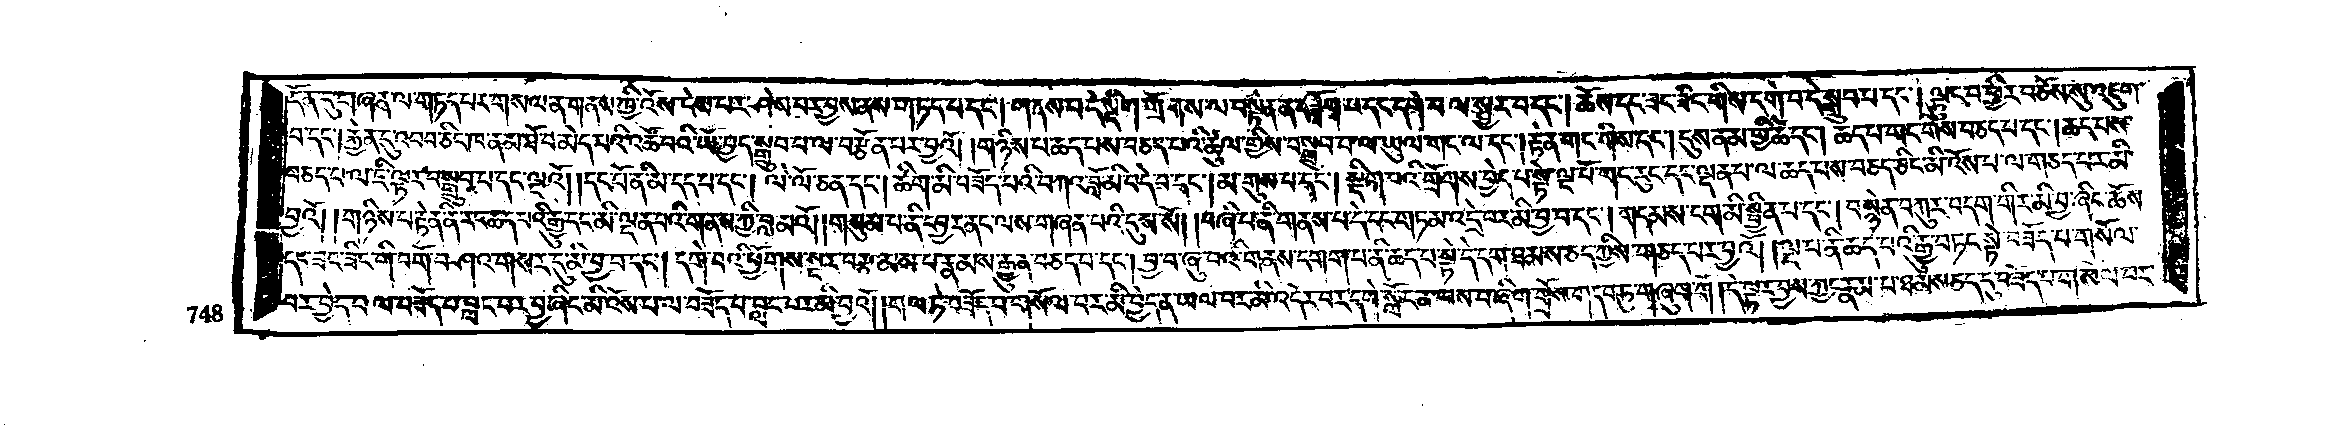དོན་དུ་གཞན་ལ་གཏད་པར་གསལ་ན་གནས་ཀྱི་འོས་ངེས་པར་ཤེས་པར་བྱས་ནས་གཏད་པ་དང་། གནས་བདེ་?་སྡིག་གྲོགས་ལ་བསྟེན་ན་བཟློག་པ་དང་དགེ་བ་ལ་སྦྱར་བ་དང་། ཆོས་དང་ཟང་ཟིང་གིས་དགེ་བ་དེ་སྒྲུབ་པ་དང་། ལྟུང་བ་ཕྱིར་བཅོས་སུ་འཇུག་
བ་དང་། རྐྱེན་དུ་འབབ་ཅིང་ཁ་ན་མ་ཐོ་བ་མེད་པའི་འཚོ་བའི་ཡོ་བྱད་སྒྲུབ་པ་ལ་བརྩོན་པར་བྱའོ། །གཉིས་པ་ཆད་པས་བཅད་པའི་ཚུལ་གྱིས་བསྒྲུབ་པ་ལ་ཡུལ་གང་ལ་དང་། རྟེན་གང་གིས་དང་། དུས་ནམ་གྱི་ཚེ་དང་། ཆད་པ་གང་གིས་བཅད་པ་དང་། ཆད་པས་
བཅད་པ་ལ་ཇི་ལྟར་བསྒྲུབ་པ་དང་ལྔའོ། །དང་པོ་ནི་མ་དད་པ་དང་། ལེ་ལོ་ཅན་དང་། ཚིག་མི་བཟོད་པའི་བཀའ་བློ་མི་བདེ་བ་དང་། མ་གུས་པ་དང་། སྡིག་པའི་གྲོགས་བྱེད་པ་སྟེ་ལྔ་པོ་གང་རུང་དང་ལྡན་པ་ལ་ཆད་པས་བཅད་ཅིང་མི་འོས་པ་ལ་གཅད་པར་
བྱའོ། །གཉིས་པ་རྟེན་ནི་རང་ཆད་པའི་རྒྱུ་དང་མི་ལྡན་པའི་གནས་ཀྱི་བླ་མའི། །གསུམ་པ་ནི་དབྱར་ནང་ལས་གཞན་པའི་དུས་སོ། །བཞི་པ་ནི་གནས་པ་དེ་དང་གཏམ་འདྲེ་བར་མི་བྱ་བ་དང་། གདམས་ངག་མི་སྦྱིན་པ་དང་། བསྙེན་བཀུར་བདག་གིར་མི་བྱ་ཞིང་ཆོས་
དང་ཟང་ཟིང་གི་བགོ་བཤའ་གསར་དུ་མི་བྱ་བ་དང་། དགེ་བའི་ཕྱོགས་སྔར་བརྩམས་པ་རྣམས་རྒྱུན་བཅད་པ་དང་། བྱ་བ་ཞུ་བའི་གནས་དགག་པ་ནི་ཆད་པ་སྟེ་དེ་དག་ཐམས་ཅད་ཀྱིས་གཅད་པར་བྱའོ། །ལྔ་པ་ནི་ཆད་པའི་རྒྱུ་བཏང་སྟེ་བཟོད་པ་གསོལ་
བར་བྱེད་པ་ལ་བཟོད་པ་བླང་བར་བྱ་ཞིང་མི་འོས་པ་ལ་བཟོད་པ་བླང་བར་མི་བྱའོ། །གལ་ཏེ་བཟོད་པ་གསོལ་བར་མི་བྱེད་ན་ཡལ་བར་མི་འདོར་བར་དགེ་སློང་མཁས་པ་ཞིག་གྲོས་གདབ་ཏུ་གཞུག་གོ །དེ་ལྟར་བྱས་ཀྱང་རྣམ་པ་ཐམས་ཅད་དུ་བཟོད་པ་གསོལ་བར་